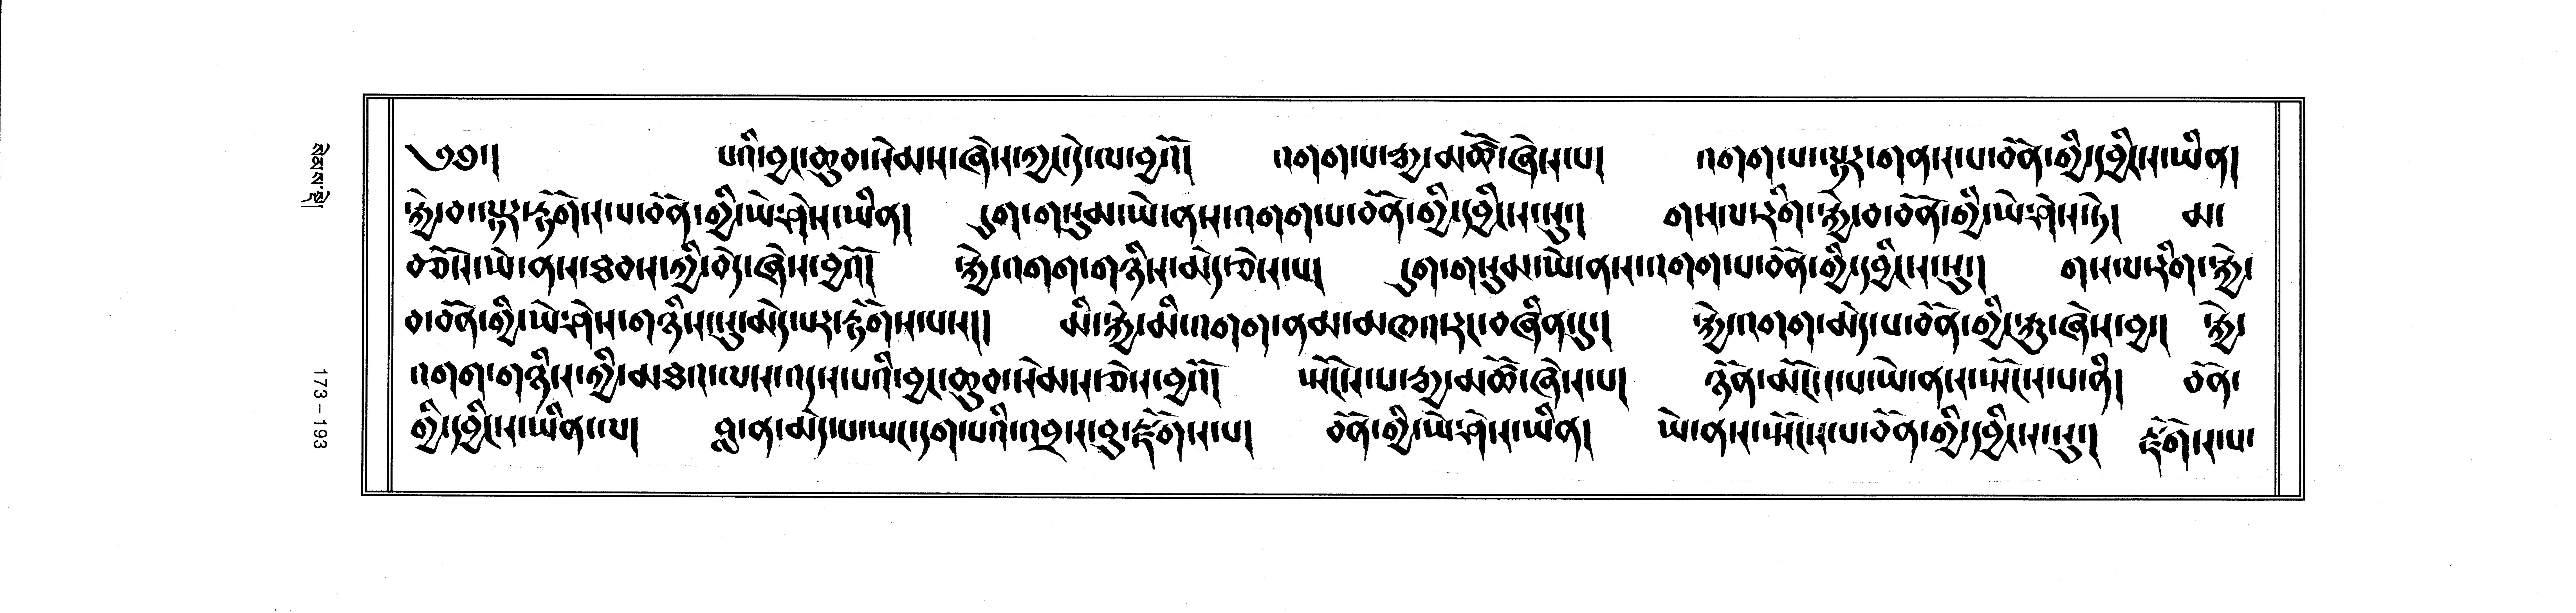པའི་བྱང་ཆུབ་སེམས་ཞེས་ཀྱང་དེ་ལ་བྱའོ། །འགག་པ་རྒྱ་མཚོ་ཞེས་པ། འགག་པ་ལྟར་གནས་པ་བོན་གྱི་དབྱིངས་ཡིན། 
སྐྱེ་བ་ལྟར་རྟོགས་པ་བོན་གྱི་ཡེ་ཤེས་ཡིན། དུག་གསུམ་ཡེ་ནས་འགག་པ་བོན་གྱི་དབྱིངས་སུ། གསལ་རིག་སྐྱེ་བ་བོན་གྱི་ཡེ་ཤེས་ཡིན་ཏེ། མ་
བཅོས་ཡེ་ནས་ཐབས་ཀྱི་བདེ་བ་ཞེས་བྱའོ། །སྐྱེ་འགག་གཉིས་མེད་ཅེས་པ། དུག་གསུམ་ཡེ་ནས་འགག་པ་བོན་གྱི་དབྱིངས་སུ། གསལ་རིག་སྐྱེ་
བ་བོན་གྱི་ཡེ་ཤེས་གཉིས་སུ་མེད་པར་རྟོགས་པས། མི་སྐྱེ་མི་འགག་མ་མཁའི་རང་བཞིན་དུ། སྐྱེ་འགག་མེད་པ་བོན་གྱི་སྐུ་ཞེས་བྱ། སྐྱེ་
འགག་གཉིས་ཀྱི་མཐའ་ལས་འདས་པའི་བྱང་ཆུབ་སེམས་ཞེས་བྱའོ། །སྤོངས་པ་རྒྱ་མཚོ་ཞེས་པ། ཉོན་མོངས་པ་ཡེ་ནས་སྤངས་པ་ནི། བོན་
གྱི་དབྱིངས་ཡིན་ལ། བླ་ན་མེད་པ་ཡང་དག་པའི་འབྲས་བུ་རྫོགས་པ། བོན་གྱི་ཡེ་ཤེས་ཡིན། ཡེ་ནས་སྤོངས་པ་བོན་གྱི་དབྱིངས་སུ། རྫོགས་པ་